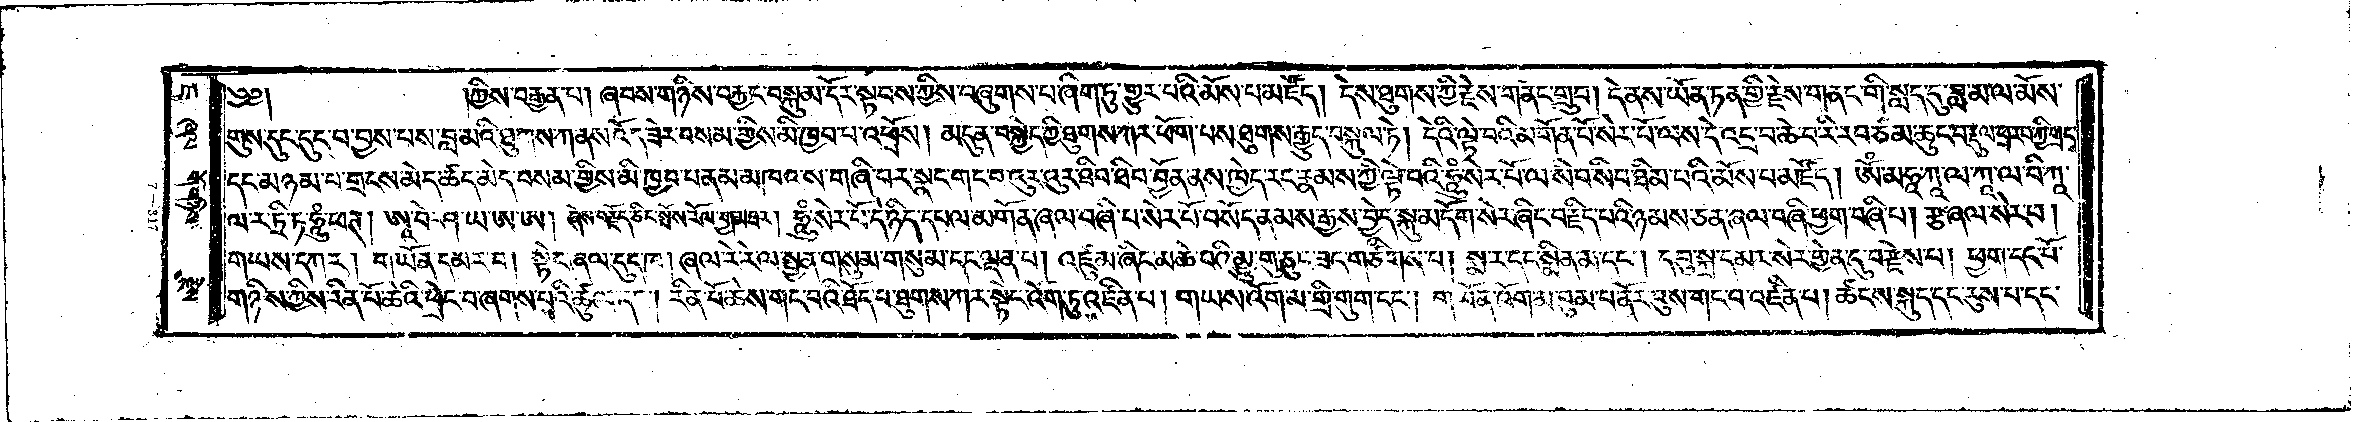༄༅། །ཀྱིས་བརྒྱན་པ། ཞབས་གཉིས་བརྐྱང་བསྐུམ་དོར་སྟབས་ཀྱིས་བཞུགས་པ་ཞིག་ཏུ་གྱུར་པའི་མོས་པ་མཛོད། དེས་ཐུགས་ཀྱི་རྗེས་གནང་གྲུབ། དེ་ནས་ཡོན་ཏན་གྱི་རྗེས་གནང་གི་སླད་དུ་ཟླ་མ་ལ་མོས་
གུས་དུང་དུང་བ་བྱས་པས་བླ་མའི་ཐུགས་ཀ་ནས་འོད་ཟེར་བསམ་གྱིས་མི་ཁྱབ་པ་འཕྲོས། མདུན་བསྐྱེད་ཀྱི་ཐུགས་ཀར་ཕོག་པས་ཐུགས་རྒྱུད་བསྐུལ་ཏེ། དེའི་ལྟེ་བའི་མགོན་པོ་སེར་པོ་ལས་དེ་འདྲ་བ་ཆེ་བ་རི་རབ་ཙམ་ཆུང་བ་རྡུལ་ཕྲ་རབ་ཀྱི་གྲངས་
དང་མཉམ་པ་གྲངས་མེད་ཚད་མེད་བསམ་གྱིས་མི་ཁྱབ་པ་ནམ་མཁའ་ས་གཞི་བར་སྣང་གང་བ་འུར་འུར་ཐིབ་ཐིབ་བྱོན་ནས་ཁྱེད་རང་རྣམས་ཀྱི་ལྟེ་བའི་ཧཱུཾ་སེར་པོ་ལ་སིབ་སིབ་ཐིམ་པའི་མོས་པ་མཛོད། ཨོཾ་མཧཱ་ཀཱ་ལ་ཀཱ་ལ་བི་ཀཱ་
ལ་ར་ཏྲི་ཏ་ཧཱུཾ་ཕཊ། ཨཱ་བེ་ཤ་ཡ་ཨ་ཨ། ཞེས་བརྗོད་ཅིང་སྦོས་རོལ་བྱ་མཐར། ཧཱུཾ་སེར་པོ་དེ་ཉིད་དཔལ་མགོན་ཞལ་བཞི་པ་སེར་པོ་བསོད་ནམས་རྒྱས་བྱེད་སྐུ་མདོག་སེར་ཞིང་བརྗིད་པའི་ཉམས་ཅན་ཞལ་བཞི་ཕྱག་བཞི་པ། རྩ་ཞལ་སེར་བ།
གཡས་དཀར། གཡོན་དམར་པ། སྟེང་ཞལ་དུད་ཁ། ཞལ་རེ་རེ་ལ་སྤྱན་གསུམ་གསུམ་དང་ལྡན་པ། འཛུམ་ཞིང་མཆེ་བའི་མྱུ་གུ་ཅུང་ཟད་གཙིགས་པ། སྨར་དང་སྨིན་མ་དང་། དབུ་སྐྲ་དམར་སེར་གྱེན་དུ་བརྫེས་པ། ཕྱག་དང་པོ་
གཉིས་ཀྱིས་རིན་པོ་ཆེའི་ཕྲེང་བ་ཞགས་པའི་ཚུལ་དང་། རིན་པོ་ཆེས་གང་བའི་ཐོད་པ་ཐུགས་ཀར་སྟེང་འོག་ཏུ་འཛིན་པ། གཡས་འོག་མ་གྲི་གུག་དང་། གཡོན་འོག་མ་བུམ་པ་ནོར་བུས་གང་བ་འཛིན་པ། ཚངས་སྐུད་དང་རུས་པ་དང་